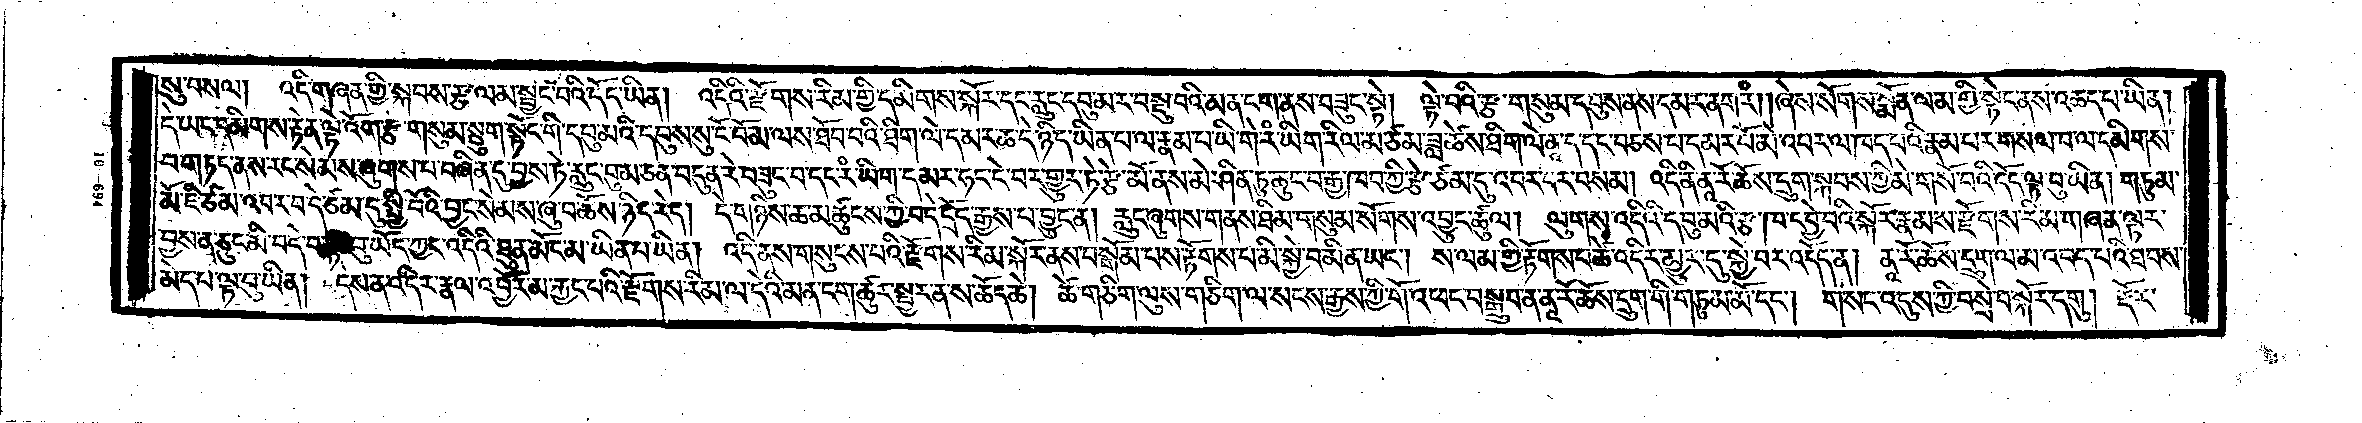སུ་བསལ། འདི་གཞན་གྱི་སྐབས་རྩ་ལམ་སྦྱང་བའི་དོད་ཡིན། འདིའི་རྫོགས་རིམ་གྱི་དམིགས་སྐོར་དང་རླུང་དབུ་མར་བསྡུ་བའི་མན་ངག་ནས་བཟུང་སྟེ། ལྟེ་བའི་རྩ་གསུམ་དབུས་ནས་དམར་ནག་རཾ། །ཞེས་སོགས་སྨོན་ལམ་གྱི་སྟེང་ནས་འཆད་པ་ཡིན།
དེ་ཡང་དམིགས་རྟེན་ལྟེ་འོག་རྩ་གསུམ་སྦུག་སྟོང་གི་དབུ་མའི་དབུས་སུ་ངོ་བོ་མ་ལས་ཐོབ་པའི་ཐིག་ལེ་དམར་ཆ་དེ་ཉིད་ཡིན་པ་ལ་རྣམ་པ་ཡི་གེ་རཾ་ཡིག་རིལ་མ་ཙམ་ཟླ་ཚེས་ཐིག་ལེ་ནཱ་ད་དང་བཅས་པ་དམར་པོ་མེ་འབར་ལ་ཁད་པའི་རྣམ་པར་གསལ་བ་ལ་དམིགས་
པ་གཏད་ནས་རང་སེམས་ཞུགས་པ་བཞིན་དུ་བྱས་ཏེ་རླུང་བུམ་ཅན་བདུན་རེ་བཟུང་བ་དང་རཾ་ཡིག་དམར་ཧང་ངེ་པར་གྱུར་ཏེ་རྩེ་མོ་ནས་མེ་ཤིན་ཏུ་ཆུང་བ་རྒྱ་ཁབ་ཀྱི་རྩེ་ཙམ་དུ་འབར་བར་བསམ། འདི་ནི་ནཱ་རོ་ཆོས་དྲུག་སྐབས་ཀྱི་མེ་གསོ་བའི་དོང་ལྟ་བུ་ཡིན། གཏུམ་
མོ་ཇི་ཙམ་འབར་བ་དེ་ཙམ་དུ་སྤྱི་བོའི་བྱང་སེམས་ཞུ་བ་ཆོས་ཉིད་རེད། དེ་གཉིས་ཆ་མཚུངས་ཀྱི་བདེ་དྲོང་རྒྱས་པ་བྱུང་ན། རླུང་ཞུགས་གནས་ཐིམ་གསུམ་སོགས་འབྱུང་ཚུལ། ལུགས་འདིའི་དབུ་མའི་རྩ་ཁ་དབྱེ་བའི་སྐོར་རྣམས་རྫོགས་རིམ་གཞན་ལྟར་
བྱས་ན་ཅུང་མི་བདེ་བ་ལྟ་བུ་ཡོད་ཀྱང་འདིའི་ཐུན་མོང་མ་ཡིན་པ་ཡིན། འདི་ནས་གསུངས་པའི་རྫོགས་རིམ་སྐོར་ནས་བསྒོམ་པས་རྟོགས་པ་མི་སྐྱེ་བ་མིན་ཡང་། ས་ལམ་གྱི་རྟོགས་པ་ཚེ་འདིར་མྱུར་དུ་སྐྱེ་བར་འདོད་ན། ནཱ་རོ་ཆོས་དྲུག་ལ་མ་འབད་པའི་ཐབས་
མེད་པ་ལྟ་བུ་ཡིན། དེས་ན་འདིར་རྣལ་འབྱོར་མ་རྐྱང་པའི་རྫོགས་རིམ་ལ་དེའི་མན་ངག་ཚུར་སྦྱར་ནས་ཆོད་ཆེ། ཚེ་གཅིག་ལུས་གཅིག་ལ་སངས་རྒྱས་ཀྱི་གོ་འཕང་བསྒྲུབ་ན་ནཱ་རོ་ཆོས་དྲུག་གི་གཏུམ་མོ་དང་། གསང་འདུས་ཀྱི་བསྲེ་བ་སྐོར་དགུ། རྡོར་